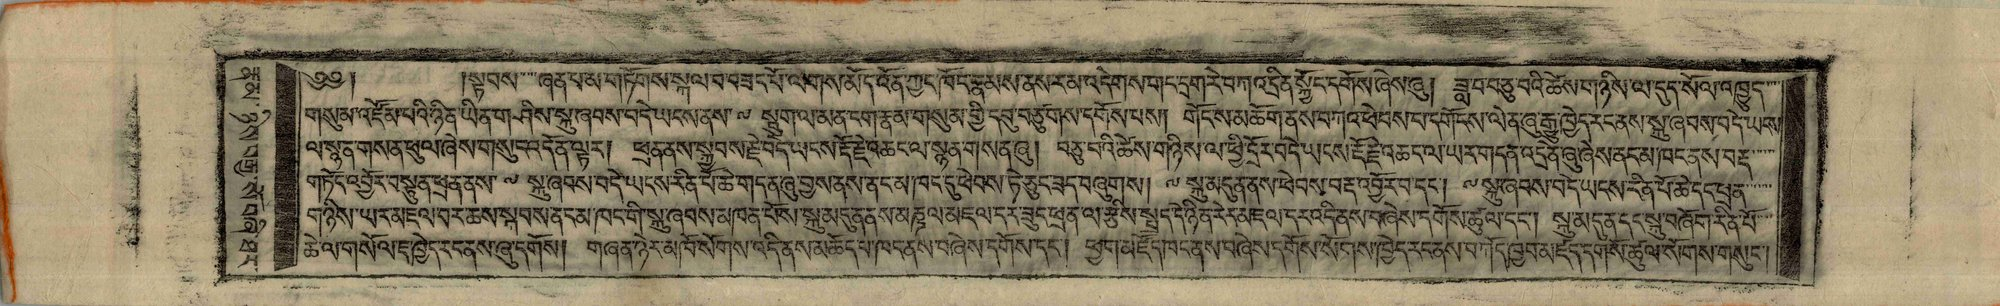༄༅། །སྟབས་ཞན་པ་མ་གཏོགས་སྐལ་བ་བཟང་པོ་ལགས་མོད་འོན་ཀྱང་ཁོང་རྣམས་ནས་རམ་འདེགས་གང་དྲག་རེ་བཀའ་དྲིན་སྐྱོང་དགོས་ཞེས་ཞུ། ཟླ་བ་བཅུ་པའི་ཚེས་གཉིས་ལ་དུད་སོལ་འཁྱུད་
གསུམ་འཛོམ་པའི་ཉིན་ཡིན་གཤིས་སྐུ་ཞབས་བདེ་ཡངས་ནས་༧་སྦུག་ལ་མན་ངག་རྣམ་གསུམ་གྱི་དབུ་བཙུགས་དགོས་པས། གོང་ས་མཆོག་ནས་བཀའ་ཕེབས་པ་དགོངས་ལེན་ཞུ་རྒྱུ་ཁྱེད་རང་ནས་སྐུ་ཞབས་བདེ་ཡངས་
ལ་སྙན་གསན་ཕུལ་ཞེས་གསུང་འདོན་ལྟར། ཕྲན་ནས་སྐྱབས་རྗེ་བདེ་ཡངས་རྡོ་རྗེ་འཆང་ལ་སྙན་གསན་ཞུ། བཅུ་པའི་ཚེས་གཉིས་ལ་ཕྱི་དྲོར་བདེ་ཡངས་རྡོ་རྗེ་འཆང་ལ་ཡར་གདན་འདྲེན་ཞུ་ཞེས་ནང་མ་ཁང་ནས་བརྡ་
གཏོང་འབྱོར་བསྟུན་ཕྲན་ནས་༧་སྐུ་ཞབས་བདེ་ཡངས་རིན་པོ་ཆེ་གདན་ཞུ་བྱས་ནས་ནང་མ་ཁང་དུ་ཕེབས་ཏེ་ཅུང་ཟད་བཞུགས། ༧་སྐུ་མདུན་ནས་ཕེབས་བརྡ་འབྱོར་བ་དང་། ༧་སྐུ་ཞབས་བདེ་ཡངས་རིན་པོ་ཆེ་དང་ཕྲན་
གཉིས་ཡར་མཇལ་བར་ཆས་སྐབས་ནང་མ་ཁང་གི་སྐུ་ཞབས་མཁན་པོས་སྐུ་མདུན་ནས་མཎྜལ་མཇལ་དར་ཟུང་ཕྲན་ལ་རྩིས་སྤྲད་དེ་ཉིན་རེར་མཇལ་དར་འདི་ནས་བཞེས་དགོས་ཚུལ་དང་། སྐུ་མདུན་དང་སྐུ་བཞོག་རིན་པོ་
ཆེ་ལ་གསོལ་ཇ་ཁྱེད་རང་ནས་ཞུ་དགོས། གཞན་ཉེར་མཁོ་སོགས་འདི་ནས་མཆོད་པ་ཁང་ནས་བཞེས་དགོས་དང་། ཕྱག་མཛོད་ཁང་ནས་བཞེས་དགོས་སོགས་ཁྱེད་རང་ནས་བཀོད་ཁྱབ་མཛད་དགོས་ཚུལ་སོགས་གསུང་།